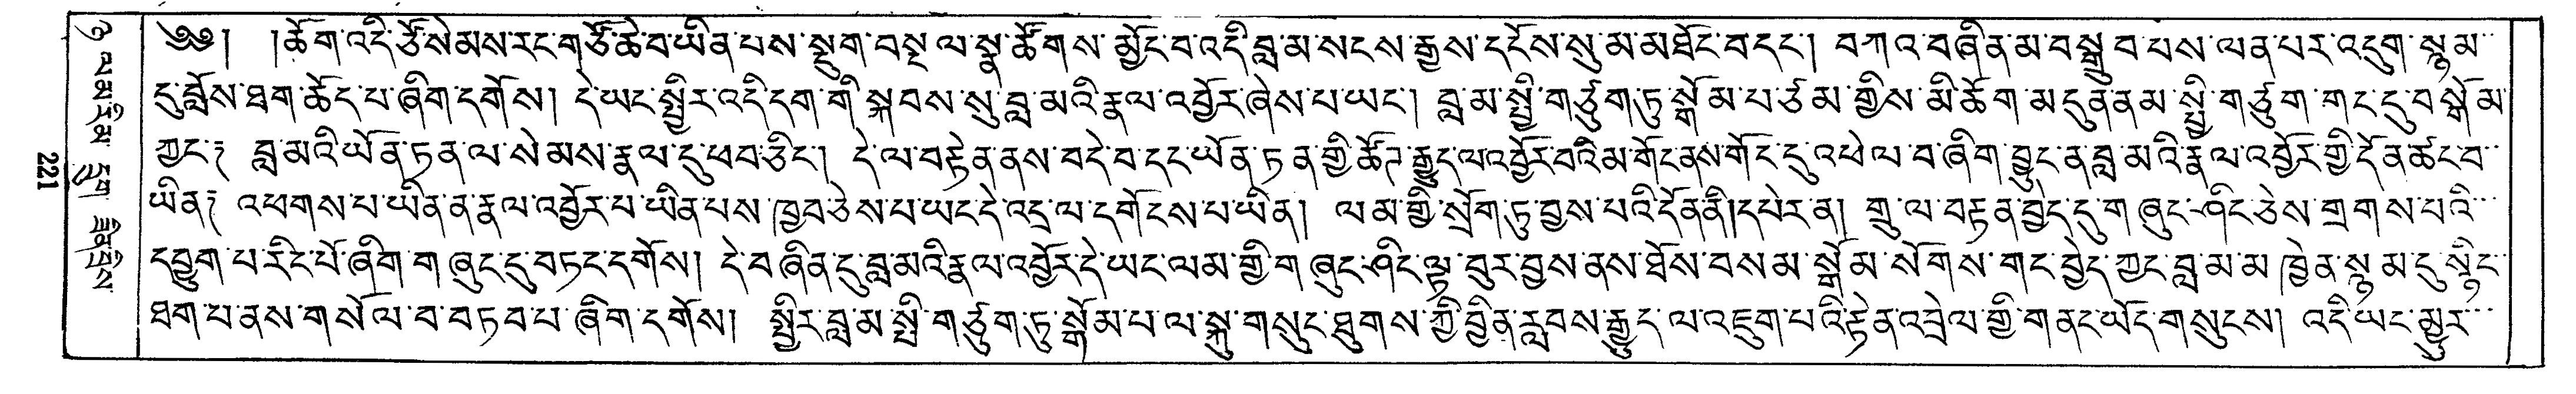༄༅། །ཆོག་འདི་ཙོ་སེམས་རང་གཙོ་ཆེ་བ་ཡིན་པས་སྡུག་བསྔལ་ལ་སྣ་ཚོགས་མྱོང་བ་འདི་བླ་མ་སངས་རྒྱས་དངོས་སུ་མ་མཐོང་བ་དང་། བཀའ་བཞིན་མ་བསྒྲུབ་པས་ལན་པར་འདུག་སྙམ་
དུ་བློས་ཐག་ཆོད་པ་ཞིག་དགོས། དེ་ཡང་སྤྱིར་འདི་དག་གི་སྐབས་སུ་བླ་མའི་རྣལ་འབྱོར་ཞེས་པ་ཡང་། བླ་མ་སྤྱི་གཙུག་ཏུ་སྒོམ་པ་ཙམ་གྱིས་མི་ཆོག་མདུན་ནམ་སྤྱི་གཙུག་གང་དུ་བསྒོམ་
ཀྱང༑ བླ་མའི་ཡོན་ཏན་ལ་སེམས་རྣལ་དུ་ཕབ་ཅིང་། དེ་ལ་བརྟེན་ནས་བདེ་བ་དང་ཡོན་ཏན་གྱི་ཚོཌ་རྒྱུད་ལ་འབྱོར་བའམ་གོང་ནས་གོང་དུ་འཕེལ་བ་ཞིག་བྱུང་ན་བླ་མའི་རྣལ་འབྱོར་གྱི་དོན་ཚང་བ་
ཡིན༑ འཕགས་པ་ཡིན་ན་རྣལ་འབྱོར་པ་ཡིན་པས་ཁྱབ་ཅེས་པ་ཡང་དེ་འདྲ་ལ་དགོངས་པ་ཡིན། ལམ་གྱི་སྲོག་ཏུ་བྱས་པའི་དོན་ནི། དཔེར་ན། གྲུ་ལ་བརྟན་བྱེད་དུ་གཞུང་ཤིང་ཅེས་གྲགས་པའི་
དབྱུག་པ་རིང་པོ་ཞིག་གཞུང་དུ་བཏང་དགོས། དེ་བཞིན་དུ་བླ་མའི་རྣལ་འབྱོར་དེ་ཡང་ལམ་གྱི་གཞུང་ཤིང་ལྟ་བུར་བྱས་ནས་ཐོས་བསམ་སྒོམ་སོགས་གང་བྱེད་ཀྱང་བླ་མ་མཁྱེན་སྙམ་དུ་སྙིང་
ཐག་པ་ནས་གསོལ་བ་བཏབ་པ་ཞིག་དགོས། སྤྱིར་བླ་མ་སྤྱི་གཙུག་ཏུ་སྒོམ་པ་ལ་སྐུ་གསུང་ཐུགས་ཀྱི་བྱིན་རླབས་རྒྱུད་ལ་འཇུག་པའི་རྟེན་འབྲེལ་གྱི་གནང་ཡོད་གསུངས། འདི་ཡང་མྱུར་